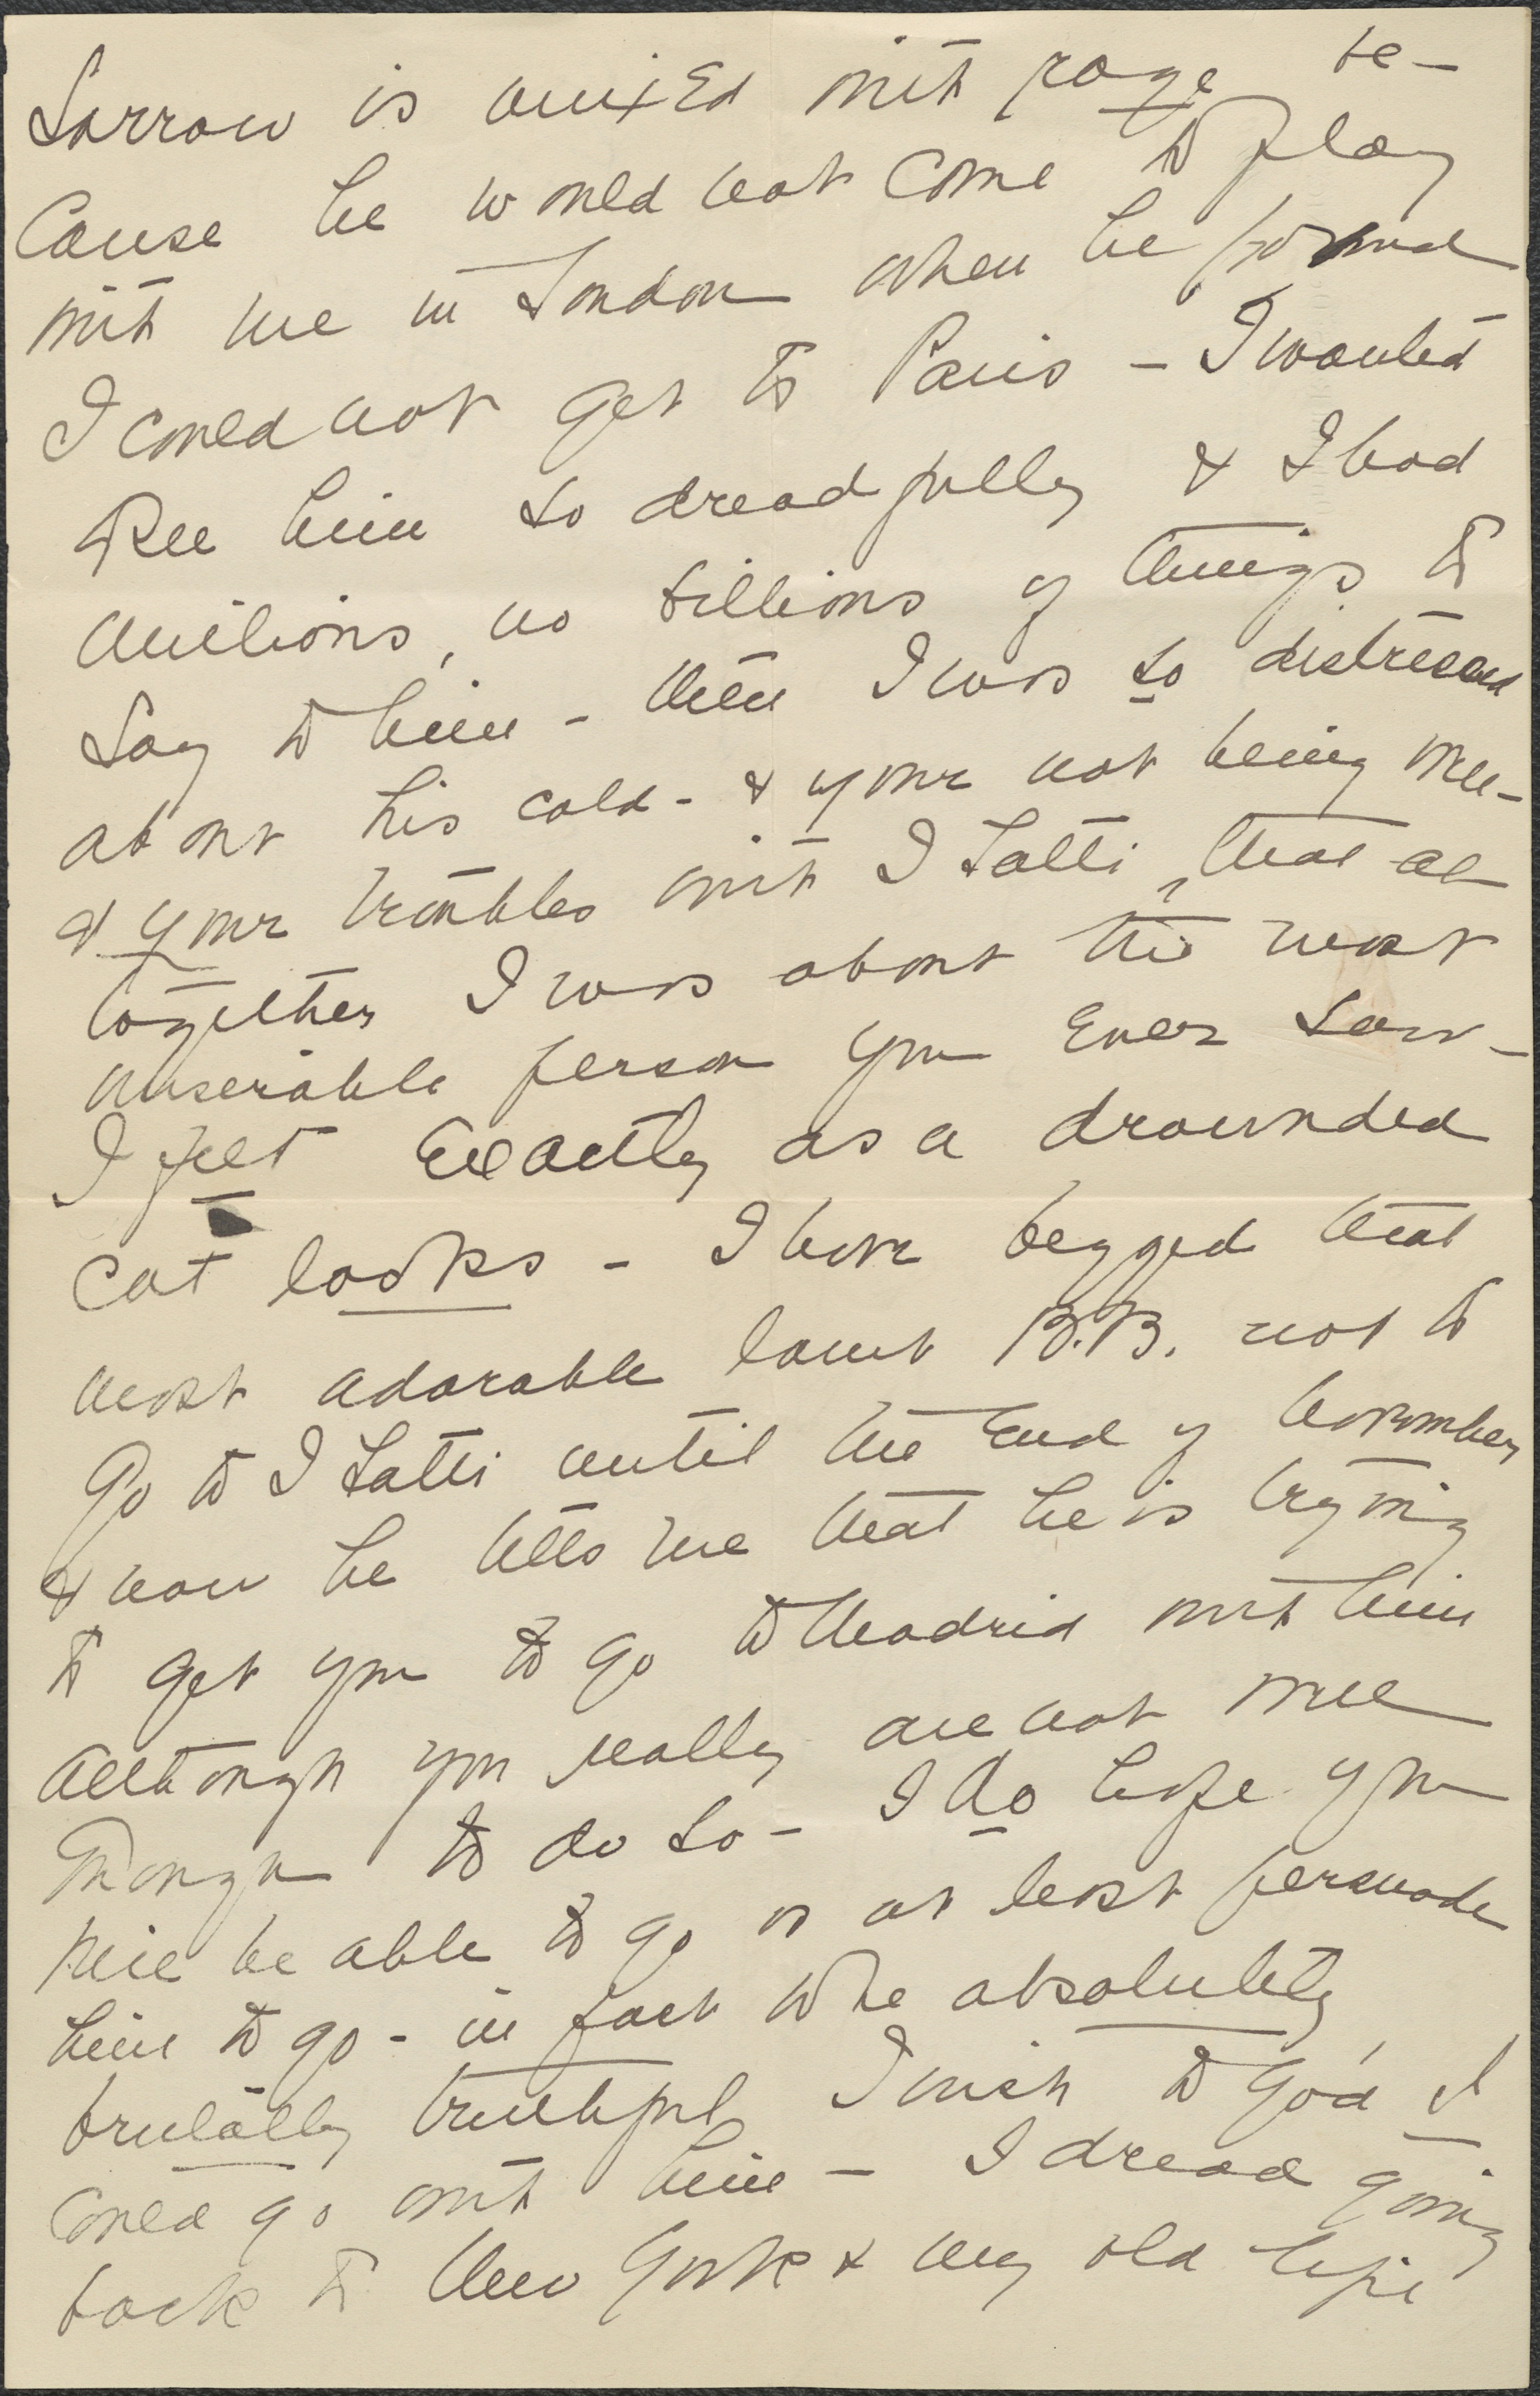sorrow is mixed with rage because he would not come to play with me in London when he found I could not get to Paris – I wanted to see him so dreadfully & I had millions, no billions of things to say to him – then I was so distressed about his cold – & your not being well & your troubles with I Tatti that altogether I was about the most miserable person you ever saw – I felt exactly as a drownded [sic] cat looks – I have begged that most adorable lamb B.B. not to go to I Tatti until the end of November & now he tells me that he is trying to get you to go to Madrid with him although you really are not well enough to do so – I do hope you will be able to go or at least persuade him to go – in fact to be absolutely, brutally truthful I wish to God I could go with him – I dread going back to New York & my old life